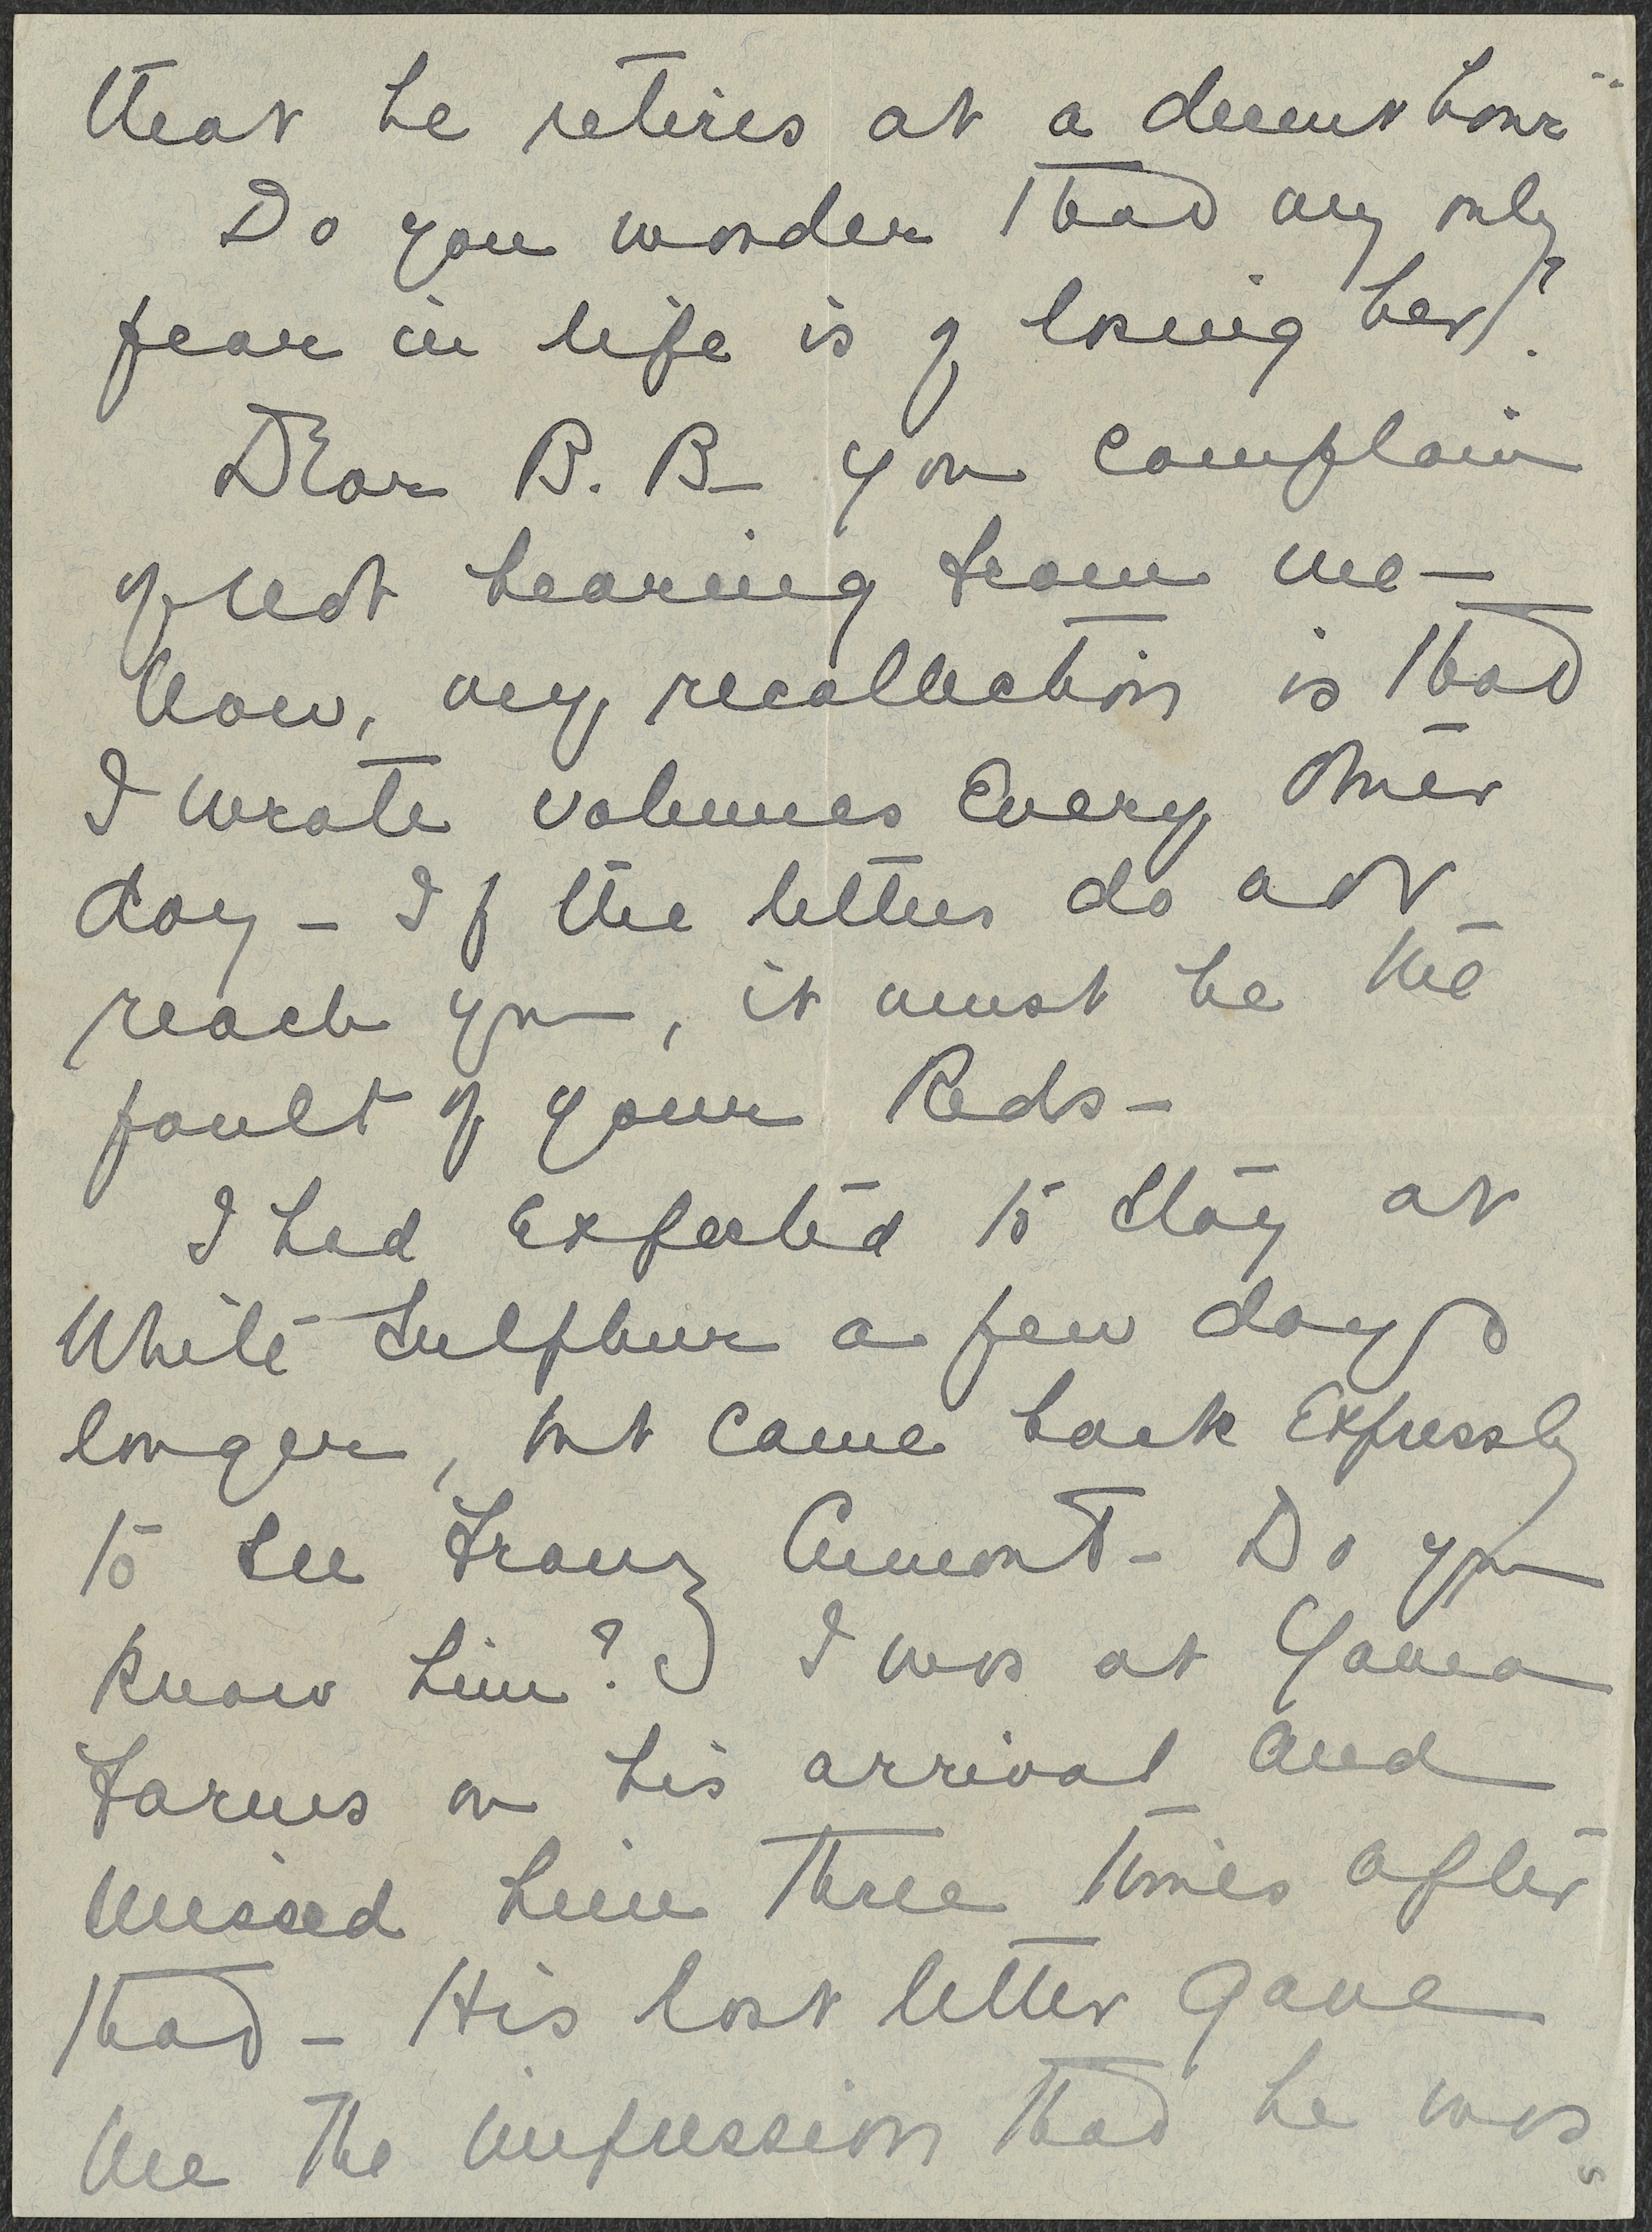that he retires at a decent hour”
Do you wonder that my only fear in life is of losing her?
Dear B.B – you complain of not hearing from me – Now, my recollection is that I wrote volumes every other day – If the letters do not reach you, it must be the fault of your Reds –
I had expected to stay at White Sulphur a few days longer, but came back expressly to see Franz Cumont – Do you know him? I was at Yama Farms on his arrival and missed him three times after that – His last letter gave me the impression that he was